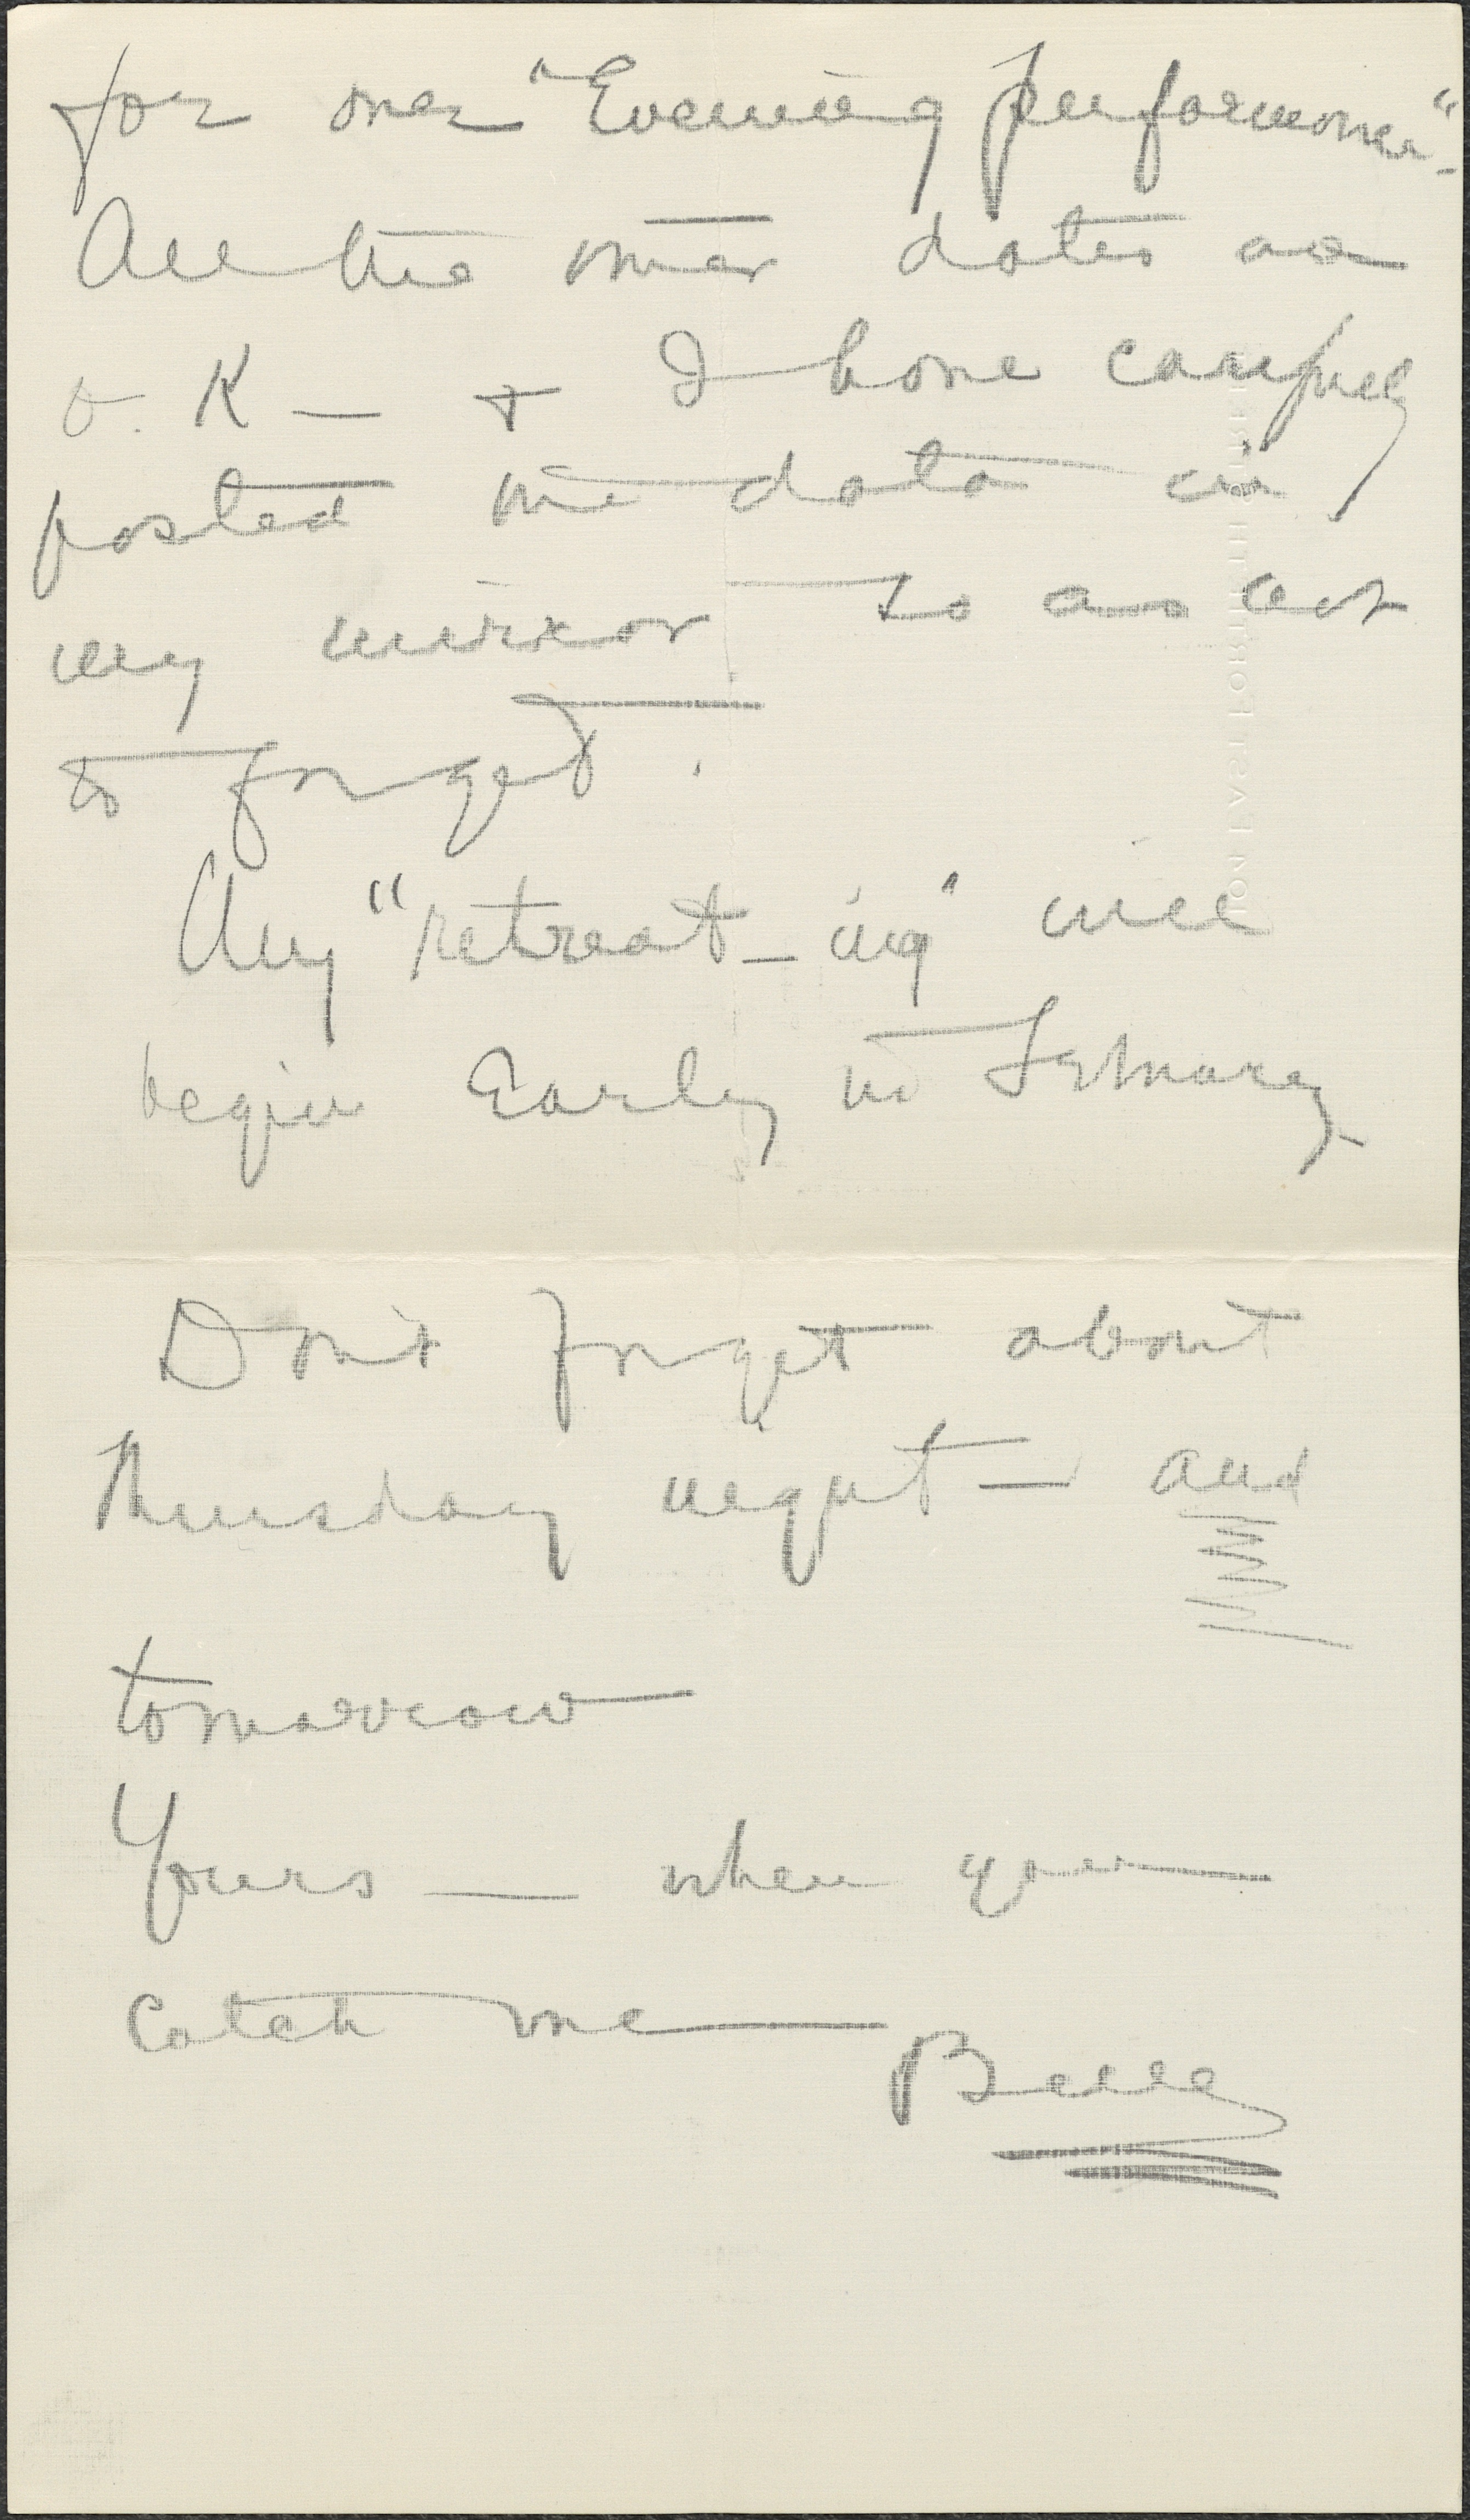for one “Evening performance” – all the other dates are O.K – & I have carefully posted the date in my mirror so as not to forget,
My “retreat–ing” will begin early in February –
Don’t forget about Thursday night [underlined 6 times: and] tomorrow
Yours – when you catch me –
[double underlined: Belle]